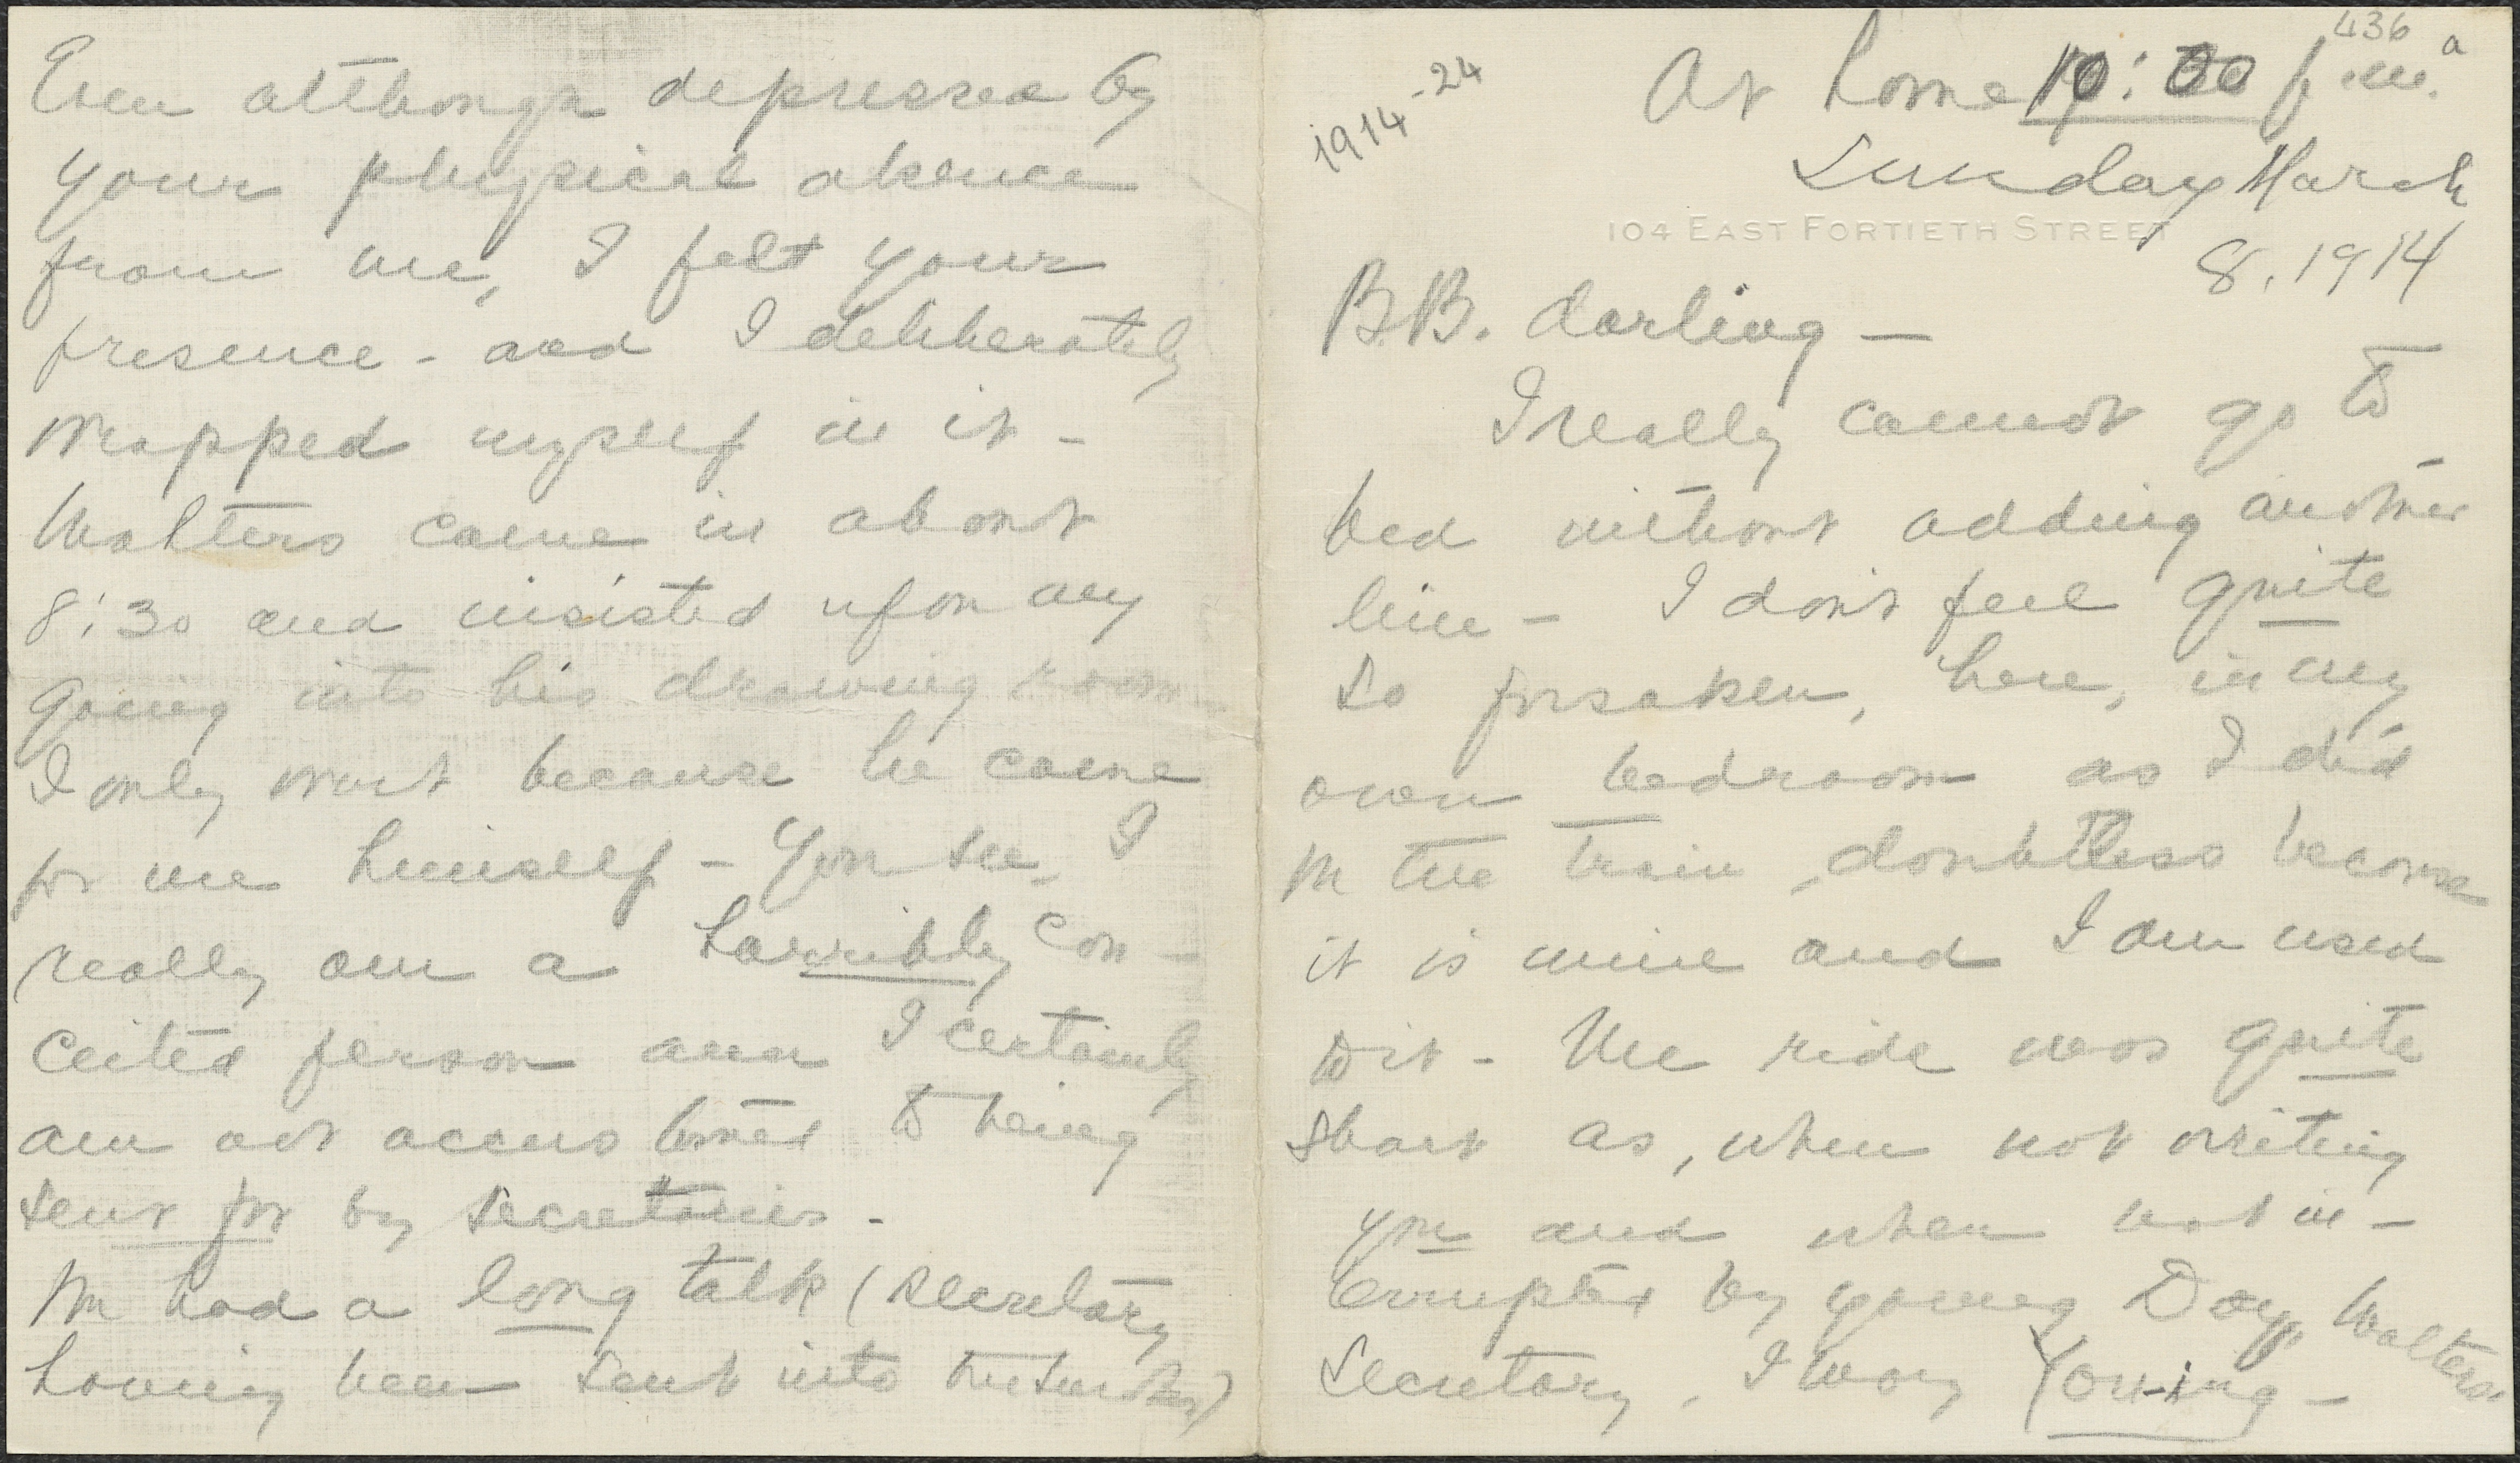At home 10:00 p.m.
B.B. darling –
I really cannot go to bed without adding another line – I don’t feel quite so forsaken, here, in my own bedroom as I did on the train, doubtless because it is mine and I am used to it – The ride was quite short as, when not writing you and when not interrupted by young Day, Walters’ secretary, I was You-ing –
even although depressed by your physical absence from me, I felt your presence – and I deliberately wrapped myself in it – Walters came in about 8:30 and insisted upon my going into his drawing room I only went because he came for me himself – You see, I really am a horribly conceited person and I certainly am not accustomed to being sent for by secretaries –
We had a long talk (secretary having been – sent into the [illegible])